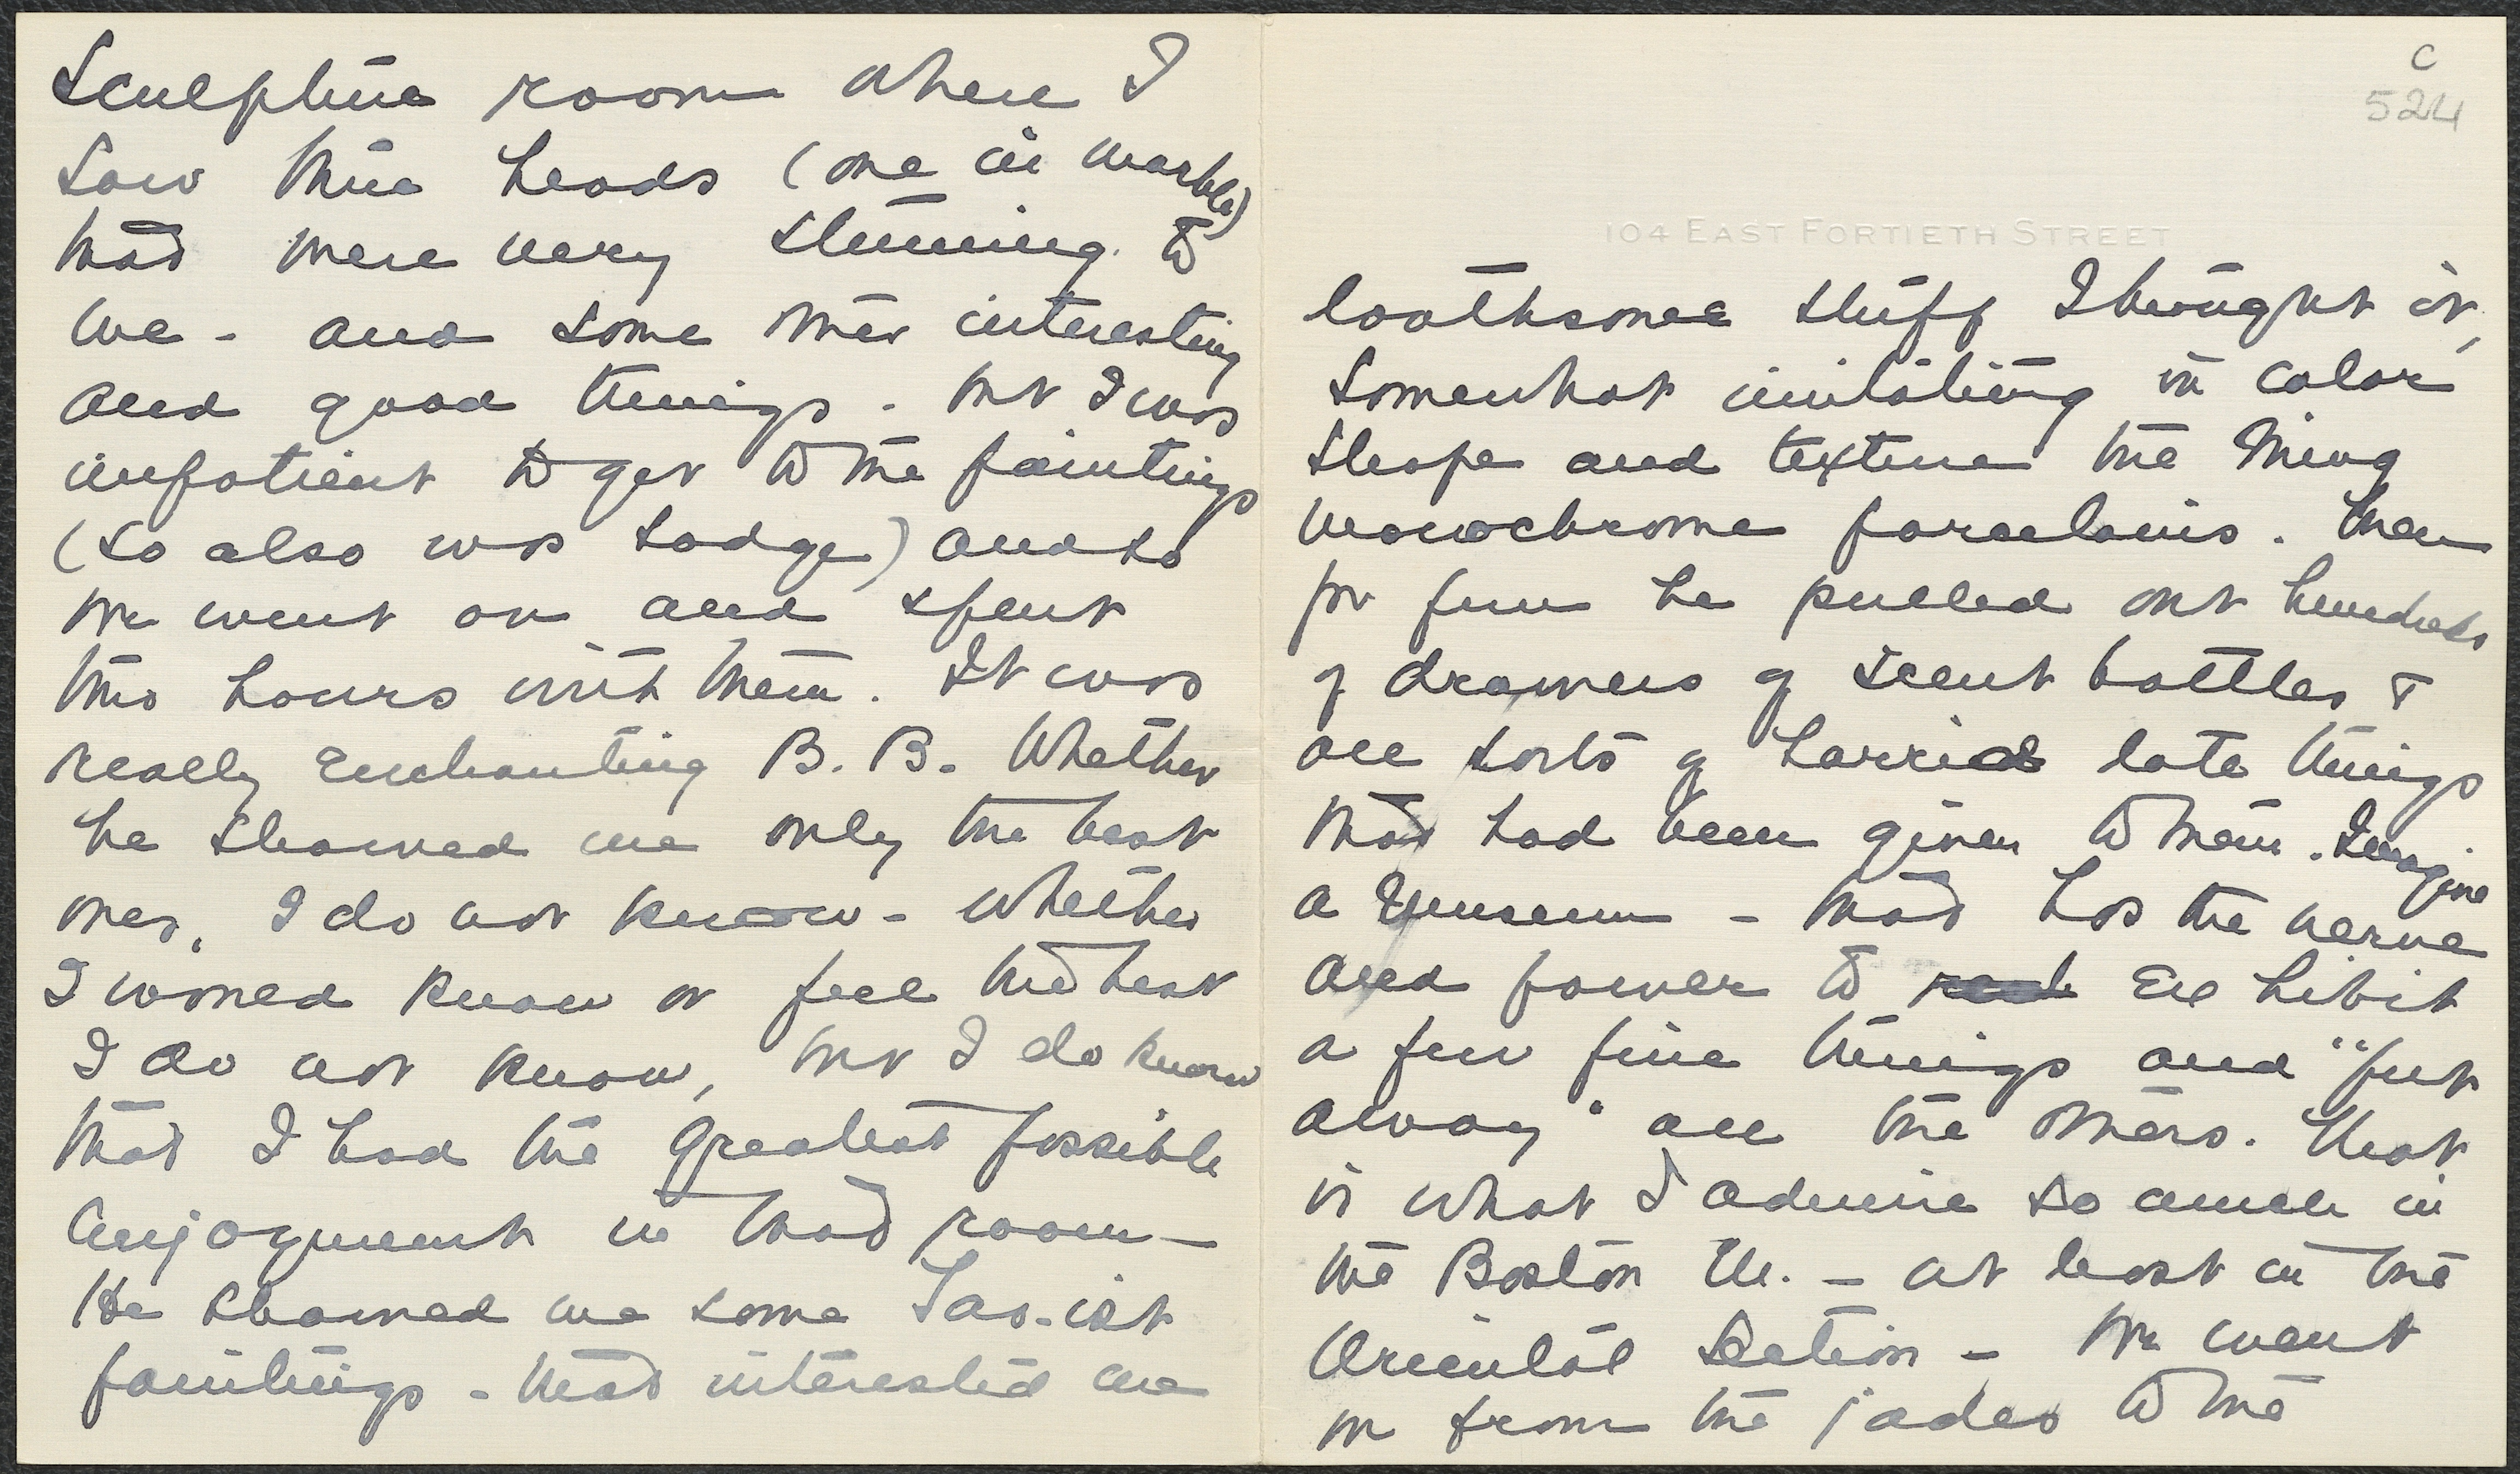loathsome stuff I thought it, somewhat imitating in color shape and texture the Ming Monochrome porcelains. Then for fun he pulled out hundreds of drawers of scent bottles & all sorts of horrid late things that had been given to them. Imagine a Museum – that has the nerve and power to real exhibit a few fine things and “put away” all the others. That is what I admire so much in the Boston M. – at least in the Oriental section – we went on from the jades to the
sculpture room where I saw three heads (one in marble) that were very stunning to me – and some other interesting and good things – but I was impatient to get to the paintings (so also was Lodge) and so we went on and spent two hours with them. It was really enchanting B.B. Whether he showed me only the best ones, I do not know – whether I would know or feel the best I do not know, but I do know that I had the greatest possible enjoyment in that room – He showed me some Tao-ist paintings – that interested me